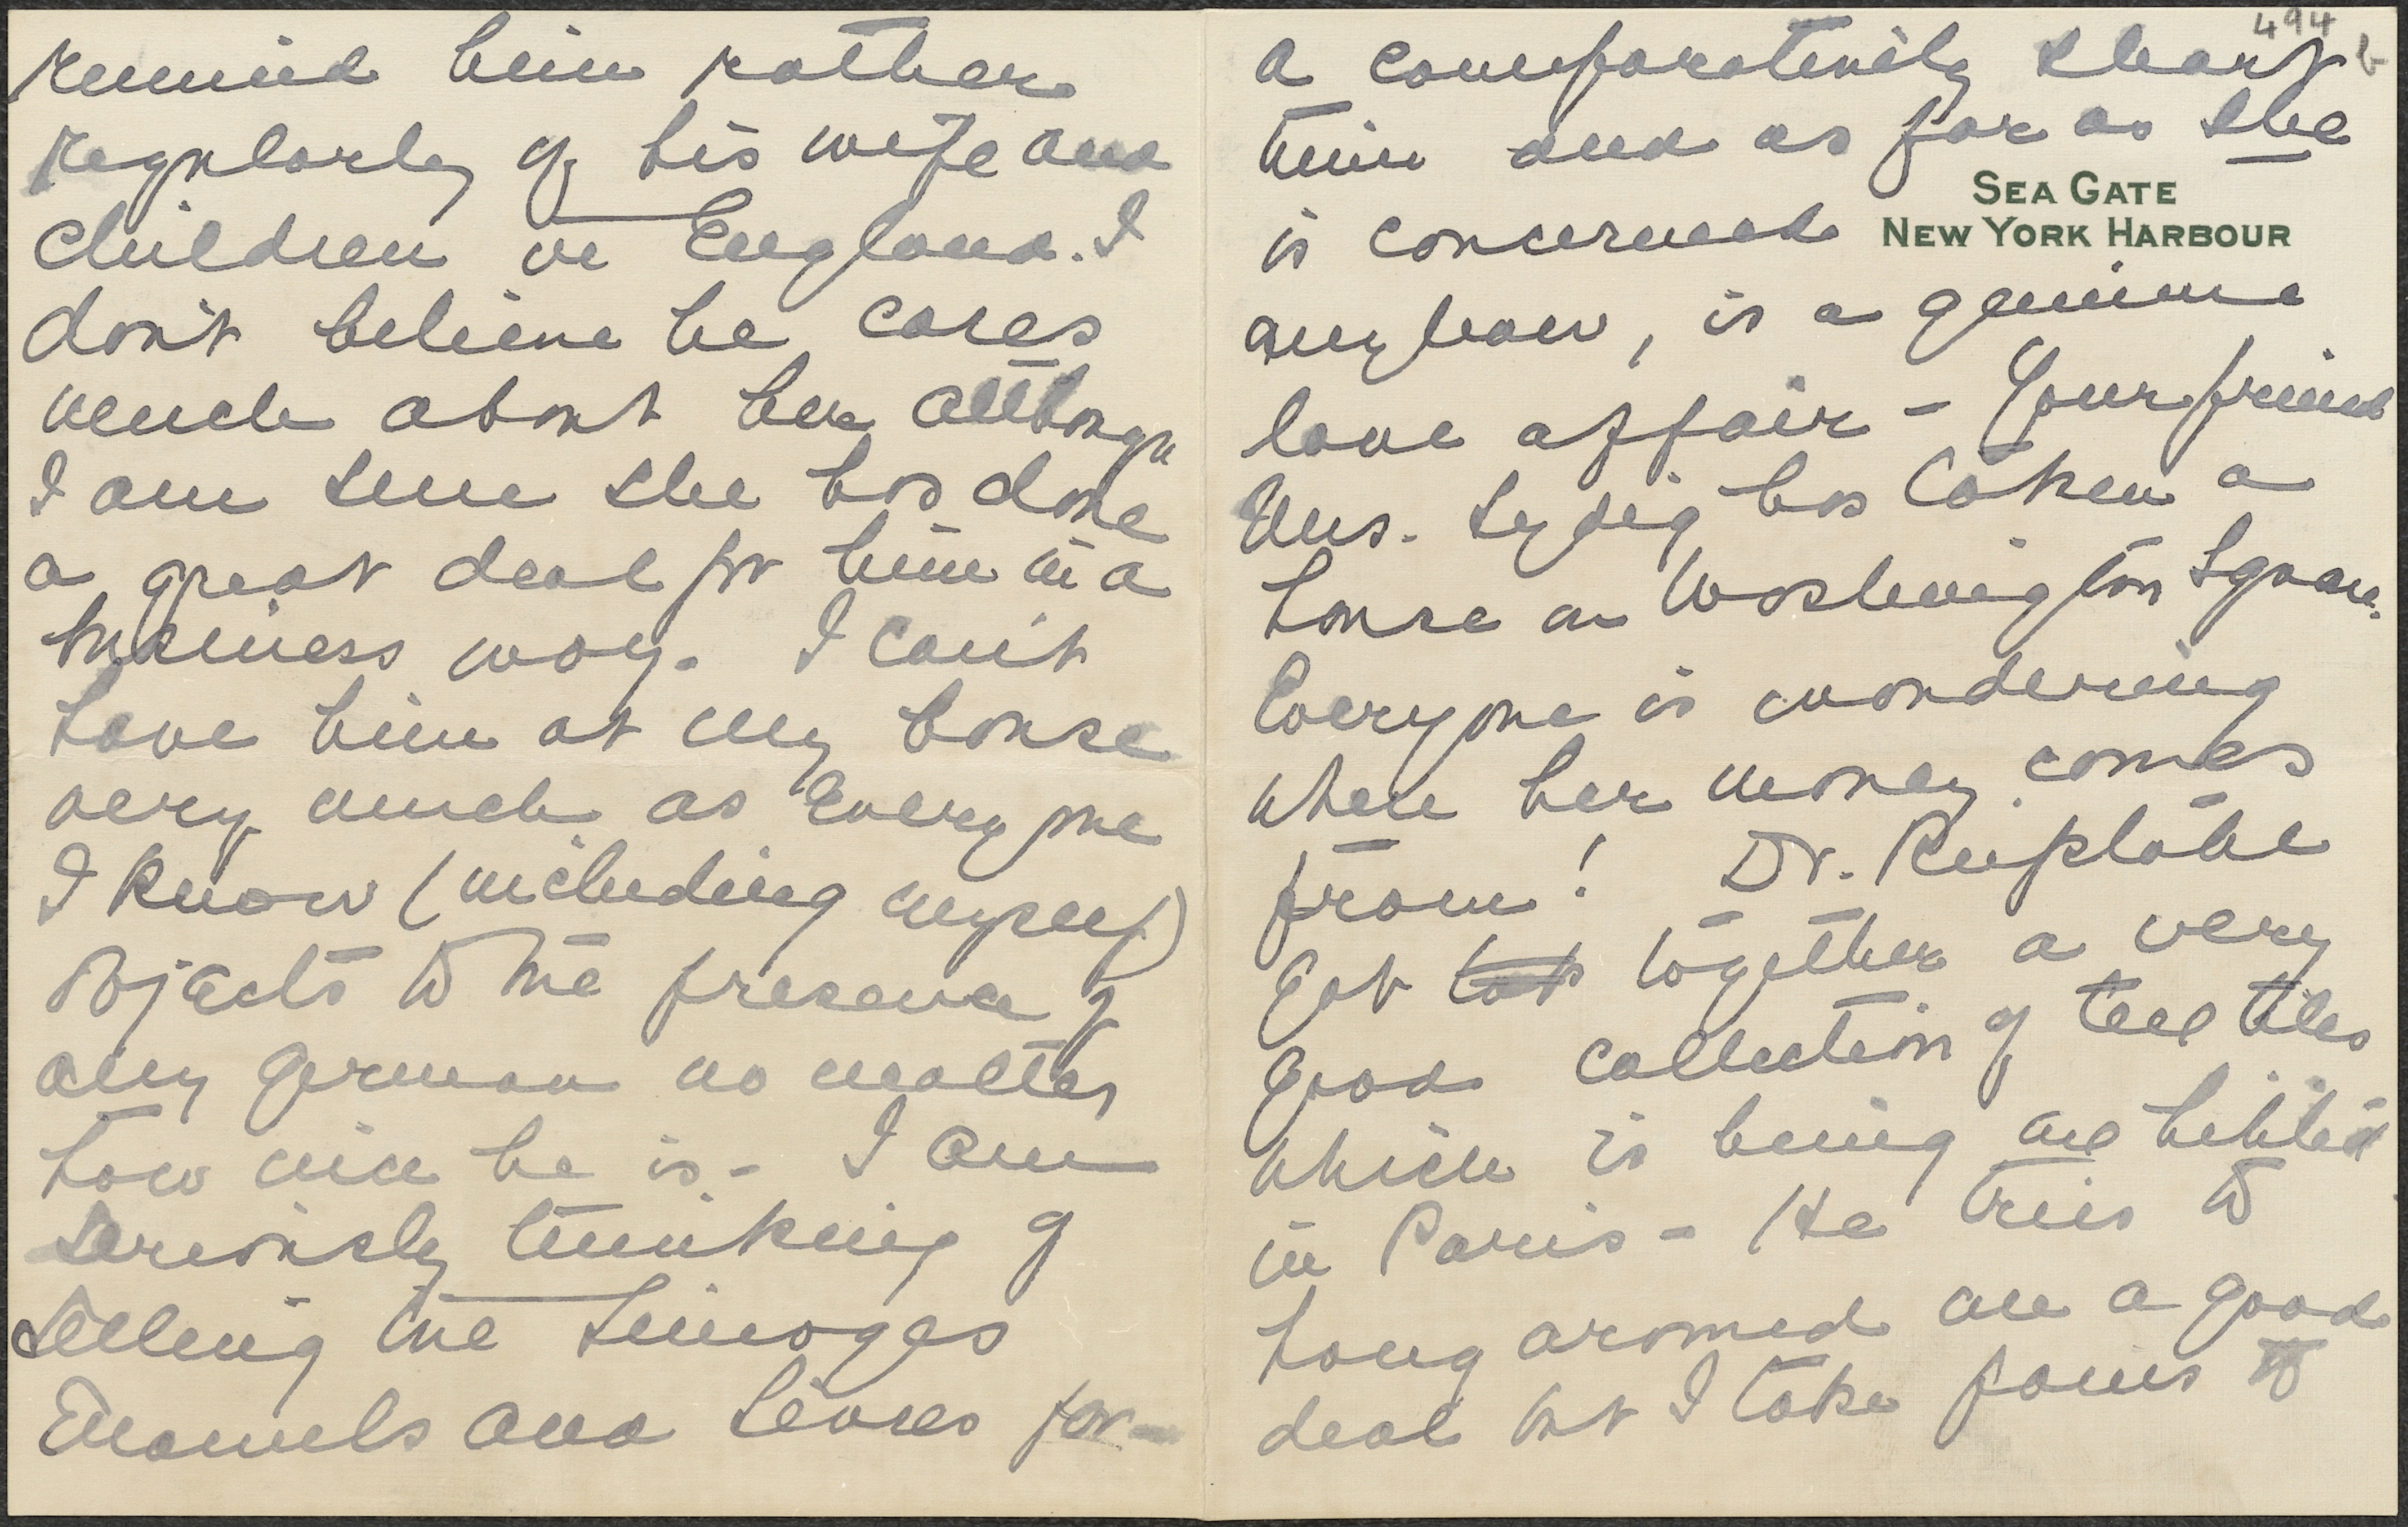a comparatively short time and as far as she is concerned anyhow, is a genuine love affair – Your friend Mrs. Lydig has taken a house on Washington Square. Everyone is wondering where her money comes from! Dr. Riefstahl got tak together a very good collection of textiles which is being exhibited in Paris – He tries to hang around on a good deal but I take pains to
remind him rather regularly of his wife and children in England. I don't believe he cares much about her although I am sure she has done a great deal for him in a business way. I can't have him at my house very much as everyone I know (including myself) objects to the presence of any German no matter how nice he is – I am seriously thinking of selling the Limoges Enamels and Lèvres